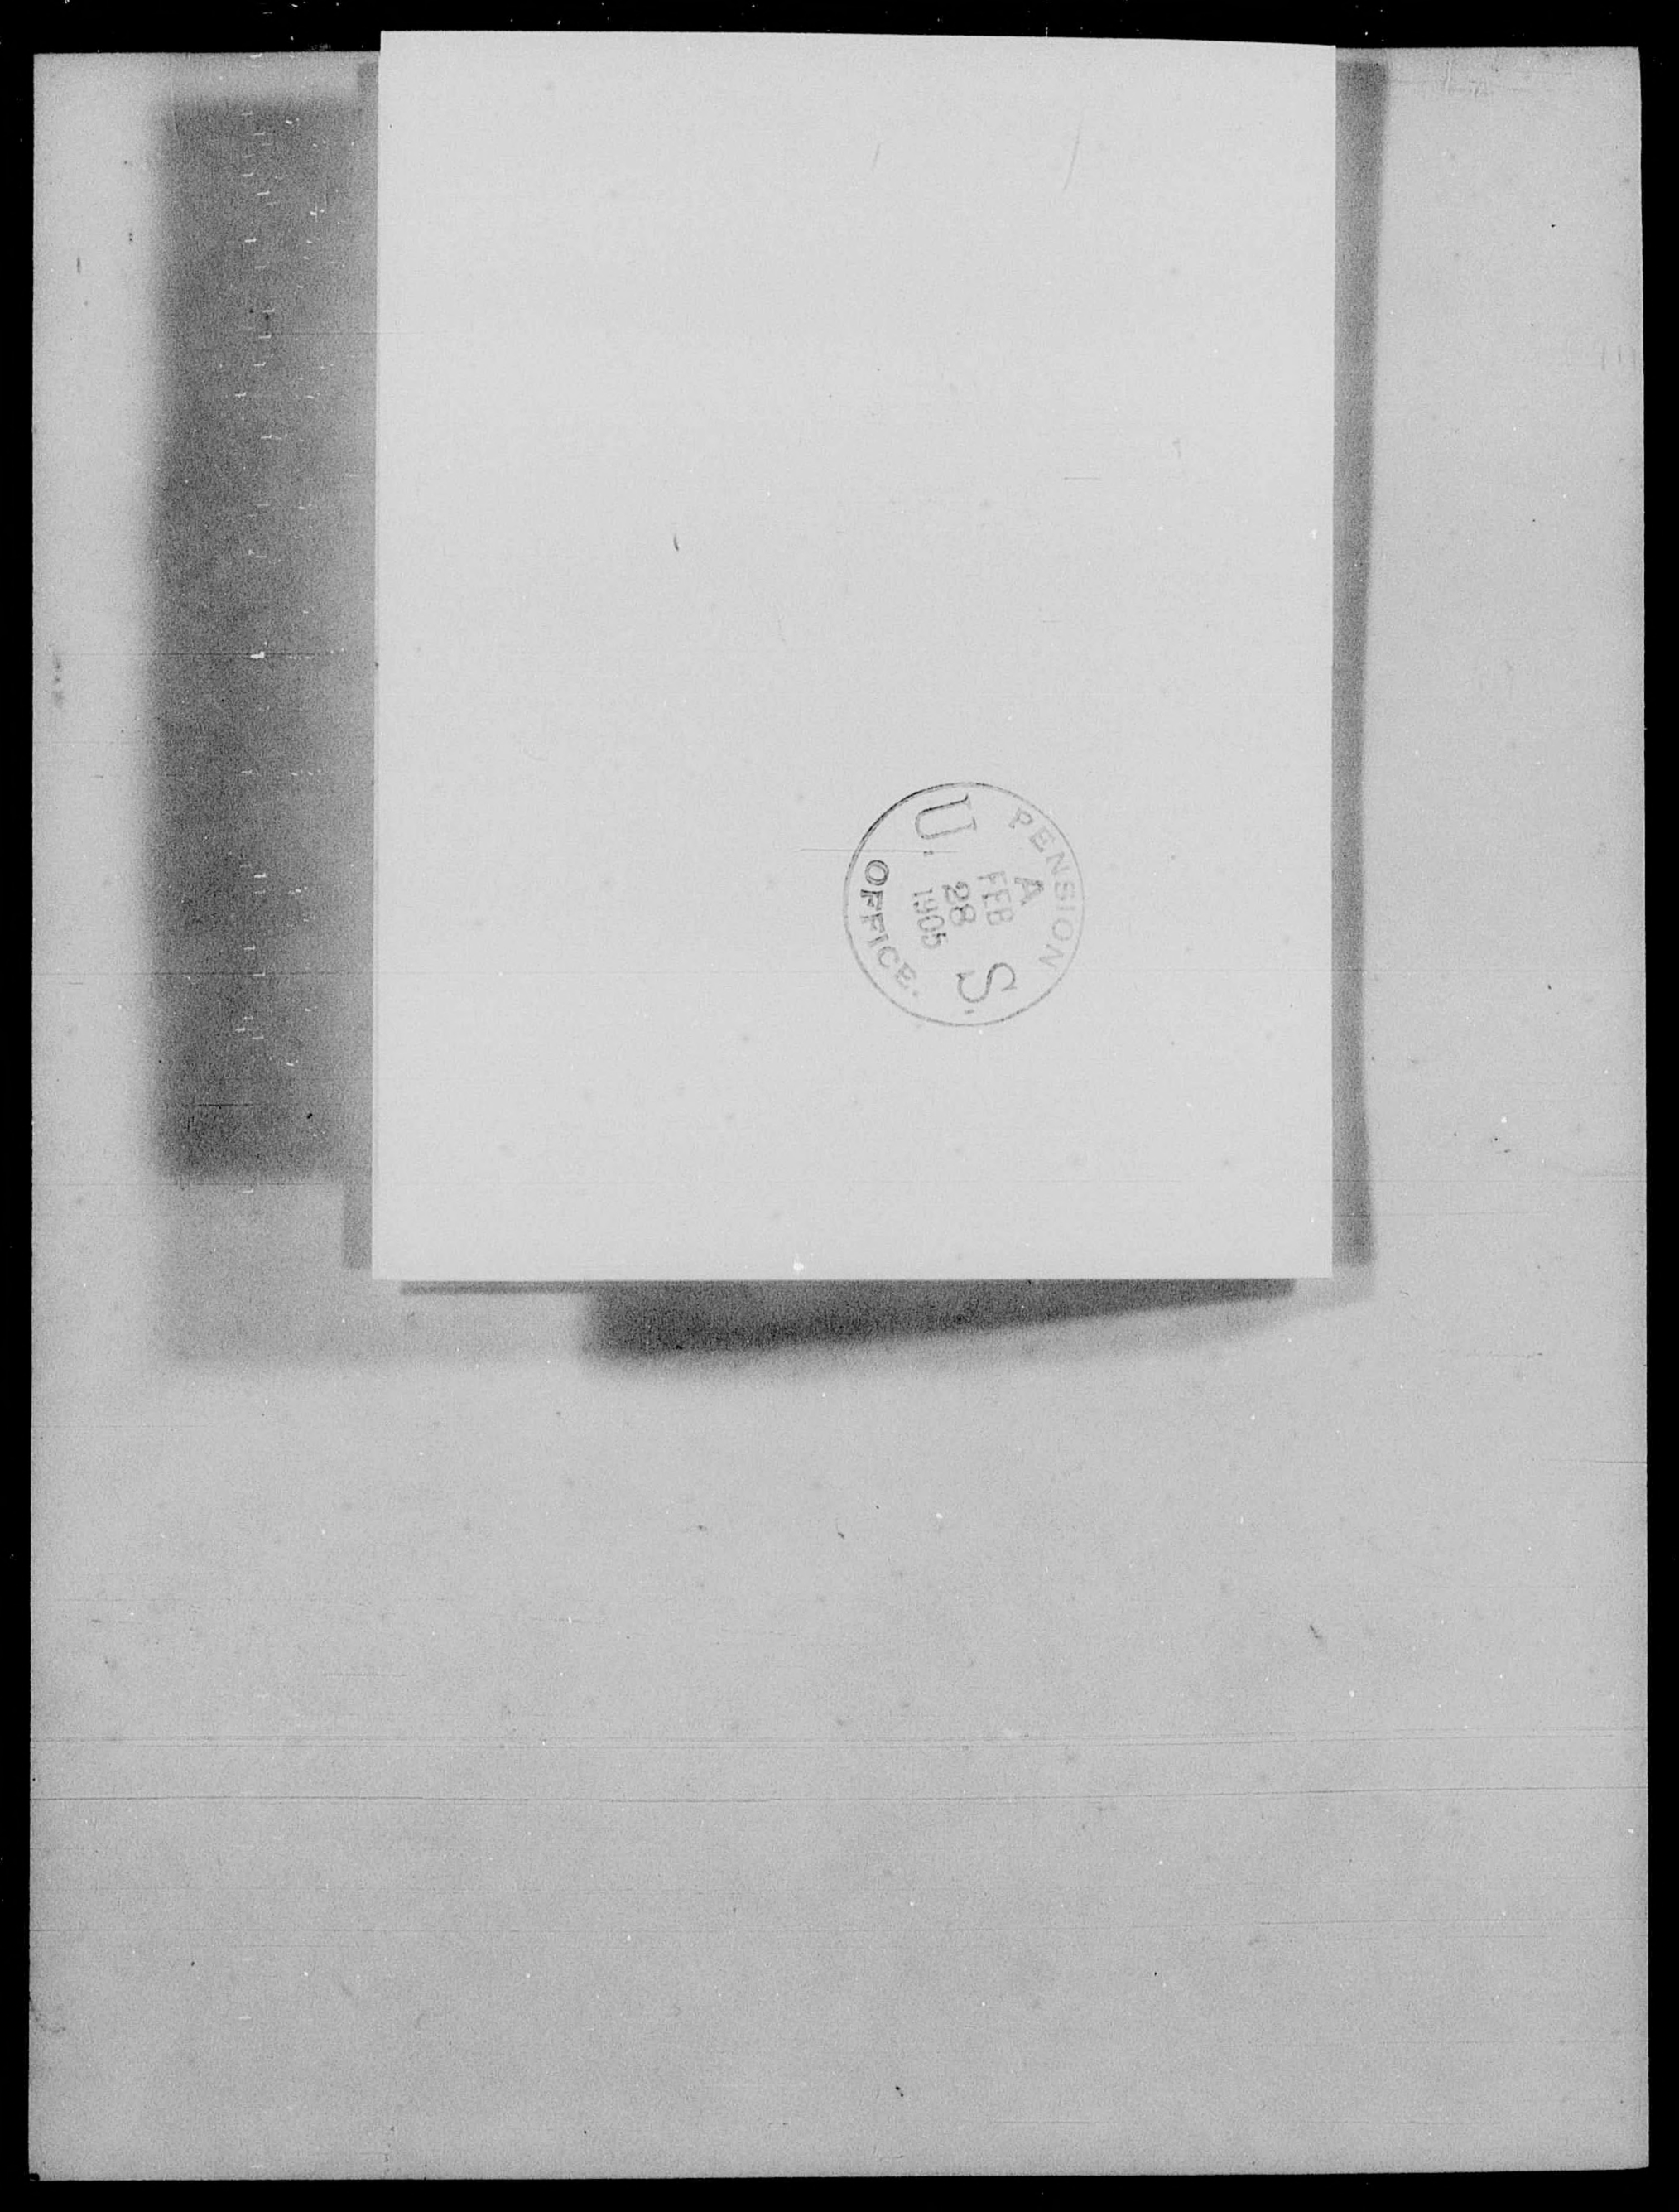[receipt stamp in black]
Pension Office U.S.A.
FEB
28 1905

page: 37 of 54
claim: widow's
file: W. 26,897, for George Pitts, Massachusetts